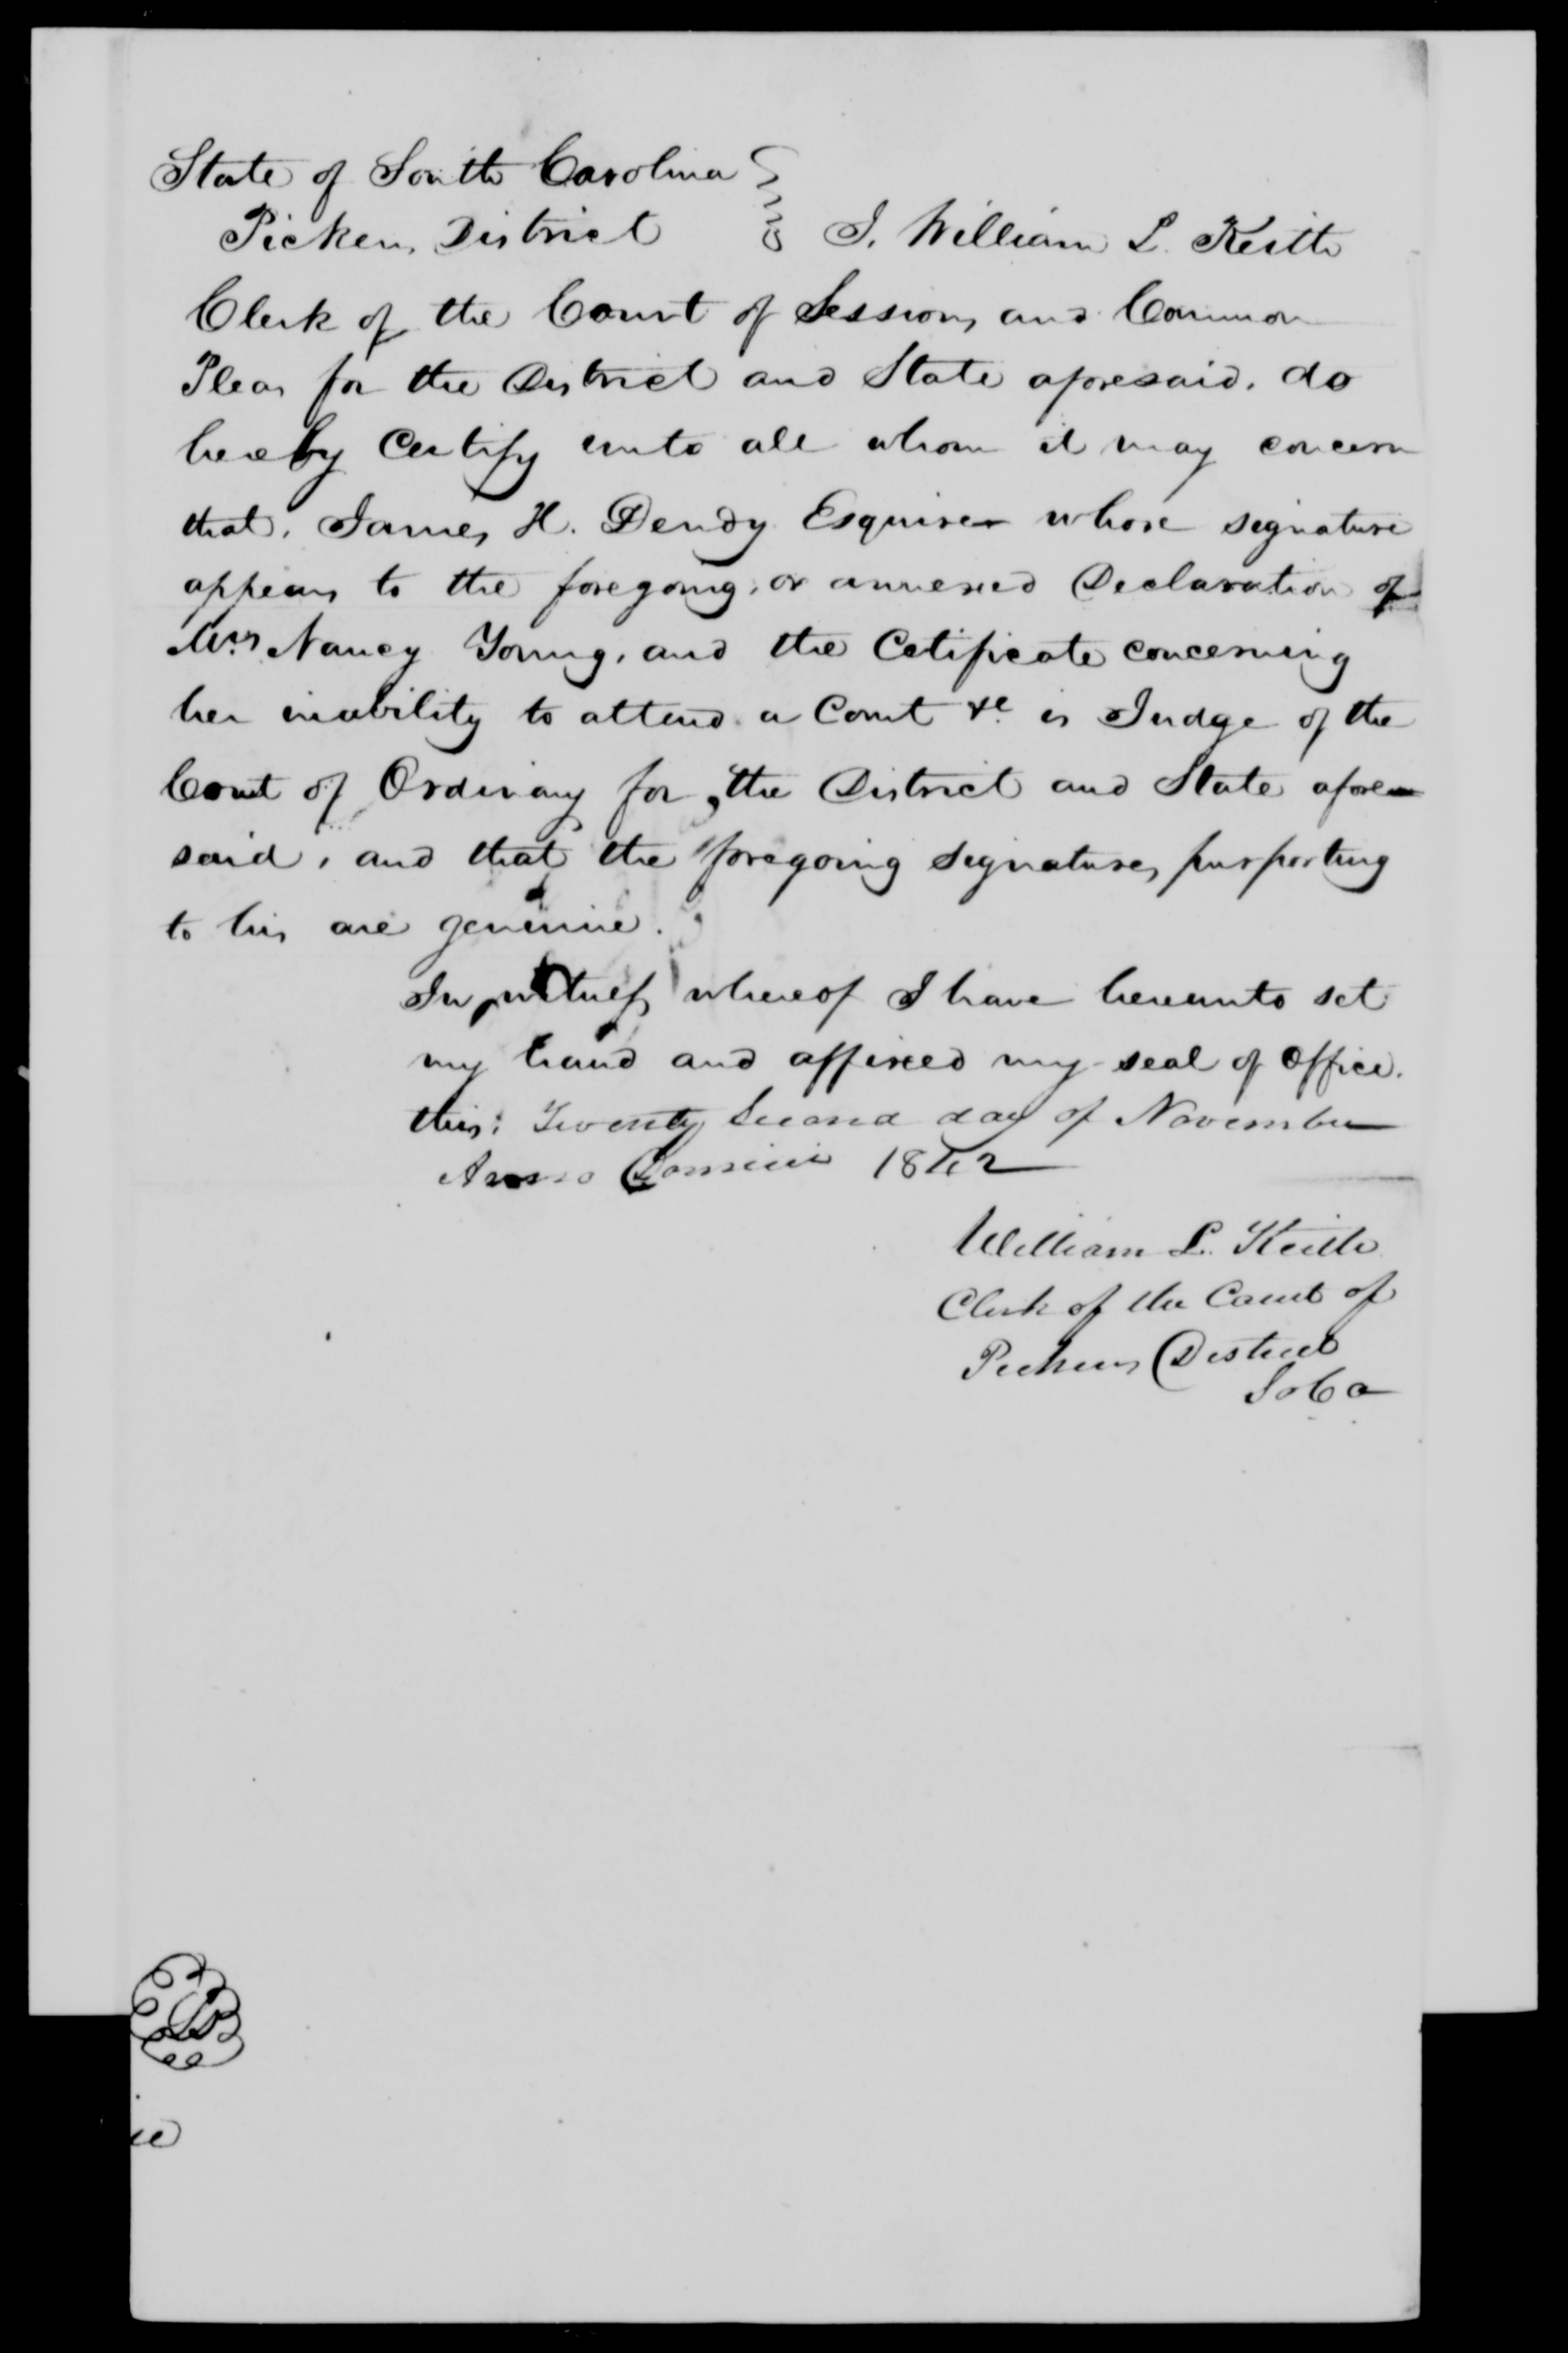State of South Carolina {
Pickens District {  I, William L. Keith
Clerk of the Court of Sessions and Common
Pleas for the District and State aforesaid, do
hereby certify unto all whom it may concern
that James H. Dendy Esquire  whose signature
appears to the foregoing, or annexed Declaration of
Mrs. Nancy Young, and the certificate concerning
her inability to attend a Court+ is Judgeof the
Court of Ordinary for the District and State afore-
said, and that the foregoing signature purporting
to [be] his are genuine.
In witness whereof I have hereunto set
my hand and affixed my seal of office.
this: Twenty Second day of November
Anno Domini 1842
William L. Keith
Clerk of the Court of
Pickens District
SoCa [South Carolina]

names: Nancy Young, James H Dendy, William L Keith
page: 19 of 56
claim: widow's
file: W. 9040, Levi Young, Ga. New Jersey S.C.